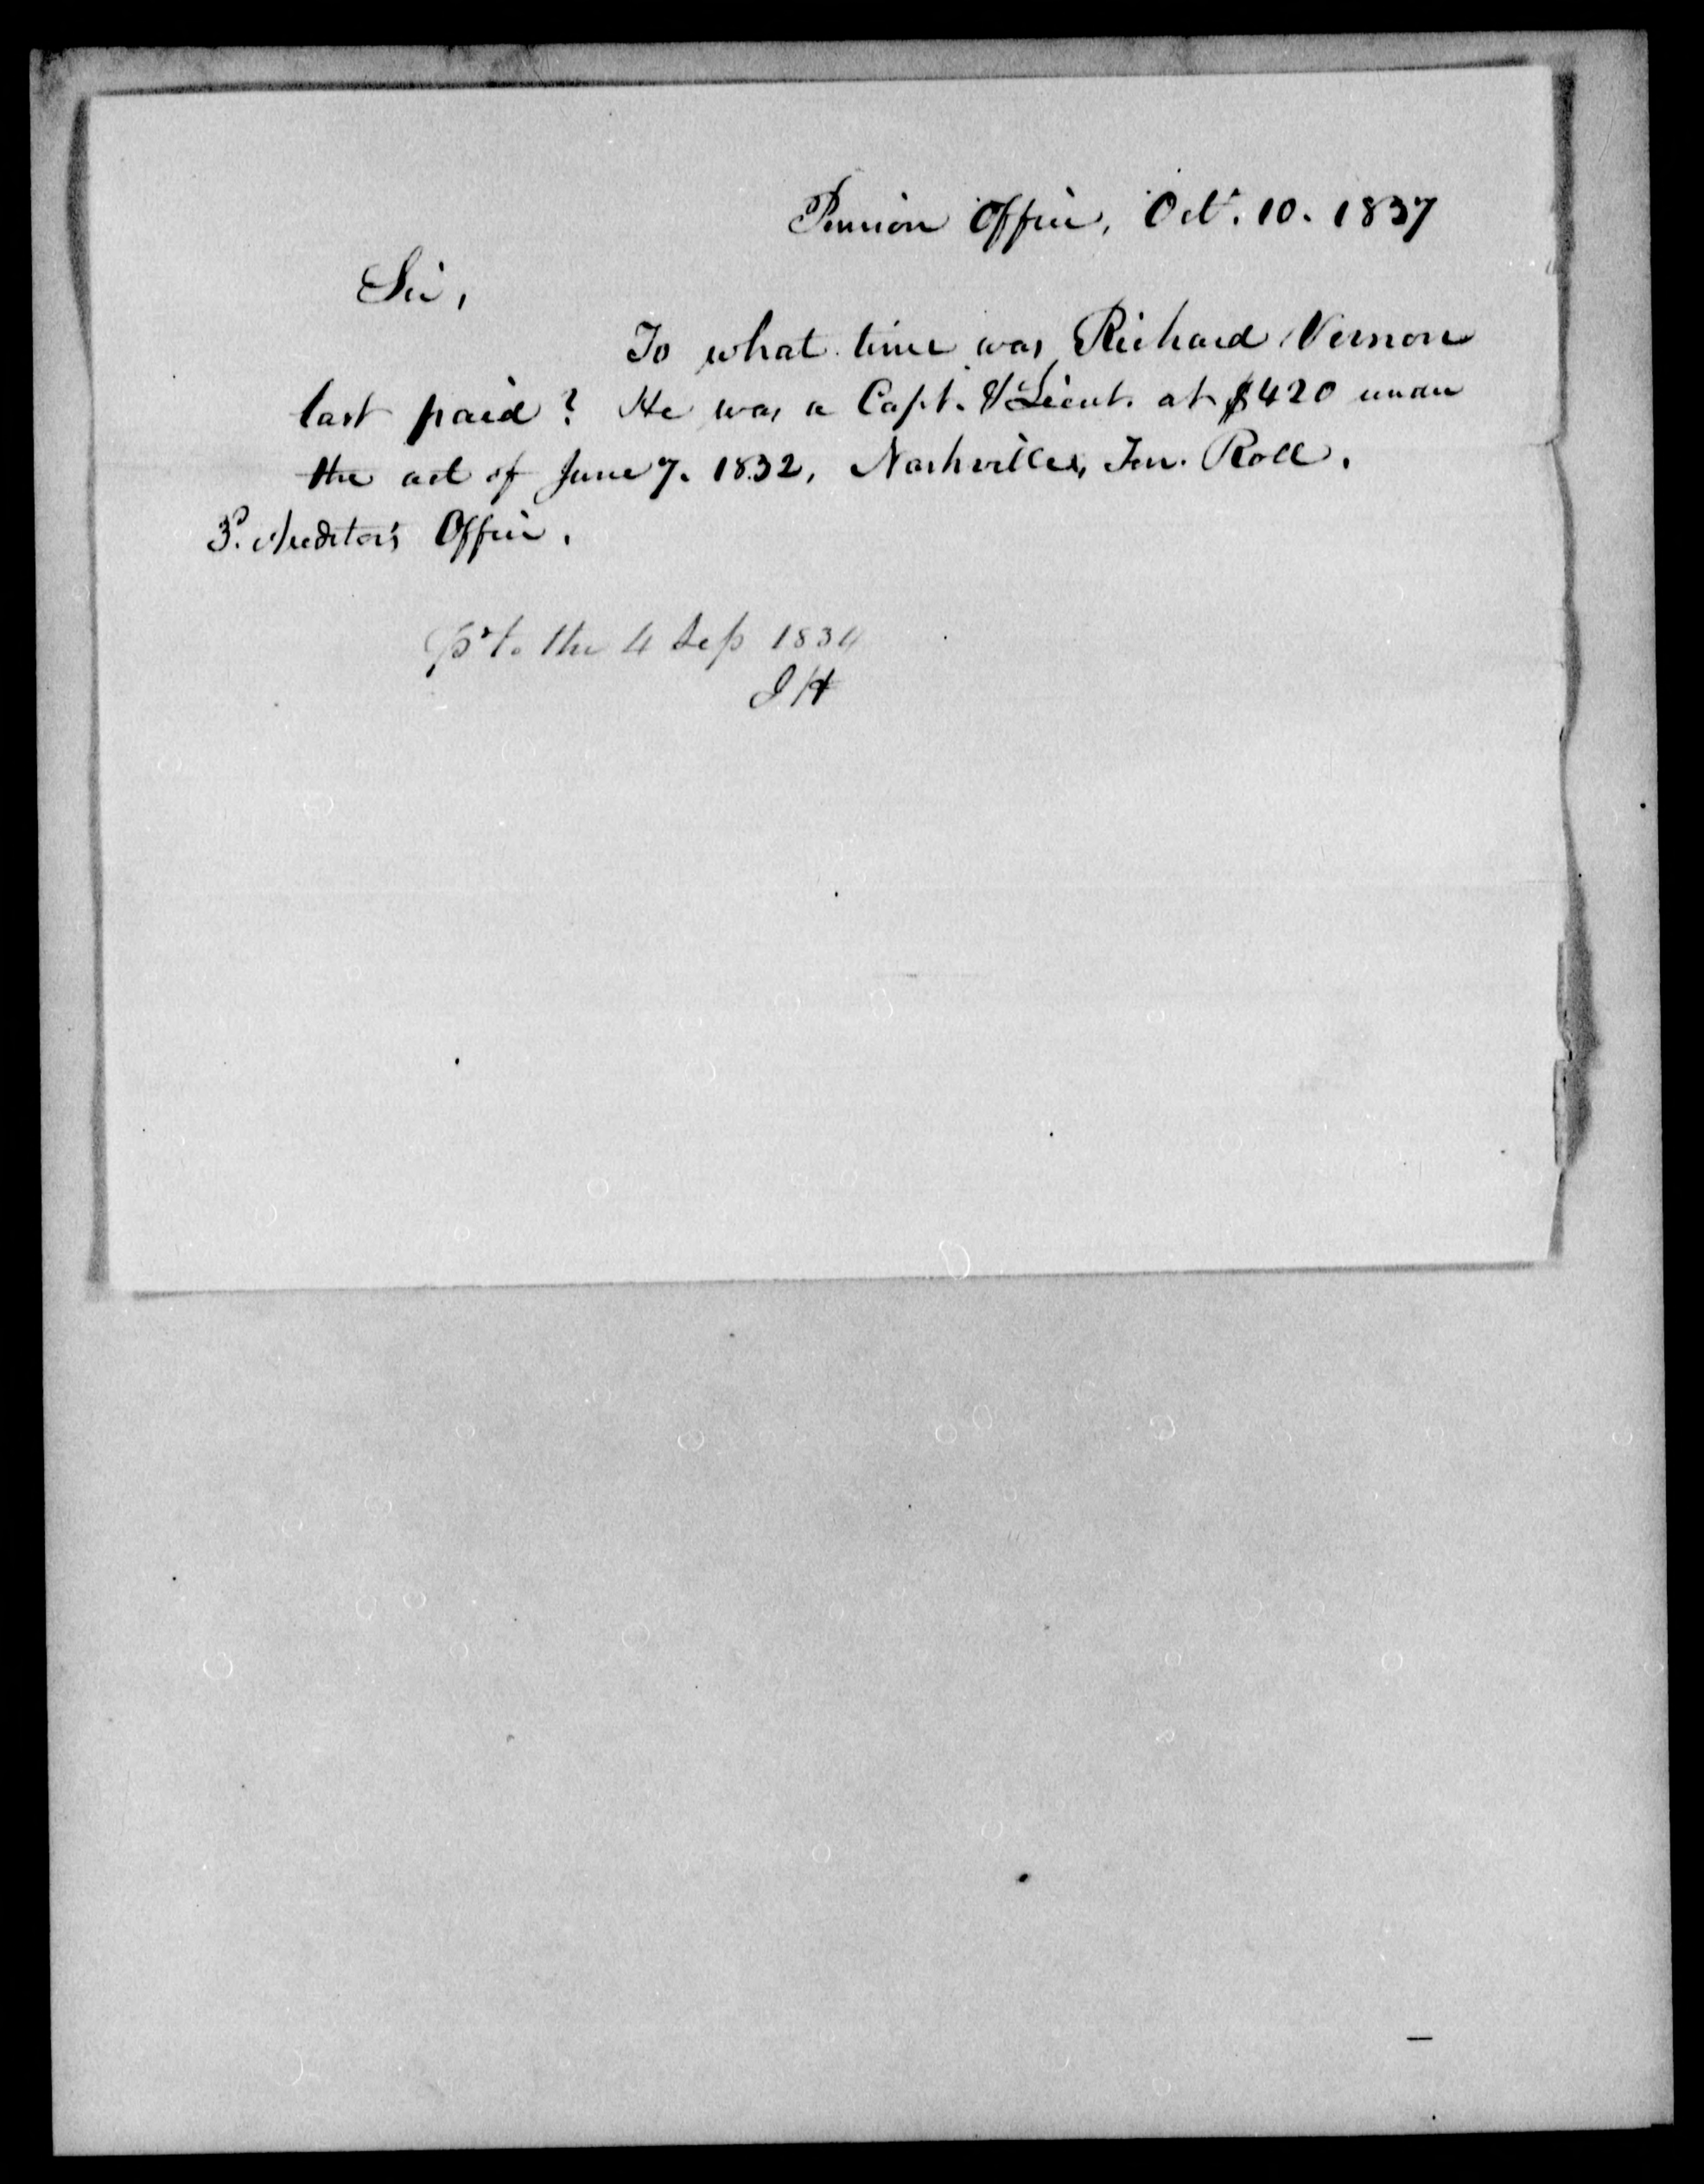Pension Office, oct. 10. 1837

Sir,
To what time was Richard cernont last paid? He was a Capt. & Lieut. at $420 annum the act of June 7, 1832, Nashville, Ten. Roll. 
up to the 4 Sep 1834 J H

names: Richard Vernon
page: 40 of 105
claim: survivor's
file: S. 1883, Richard Vernon, N.C.